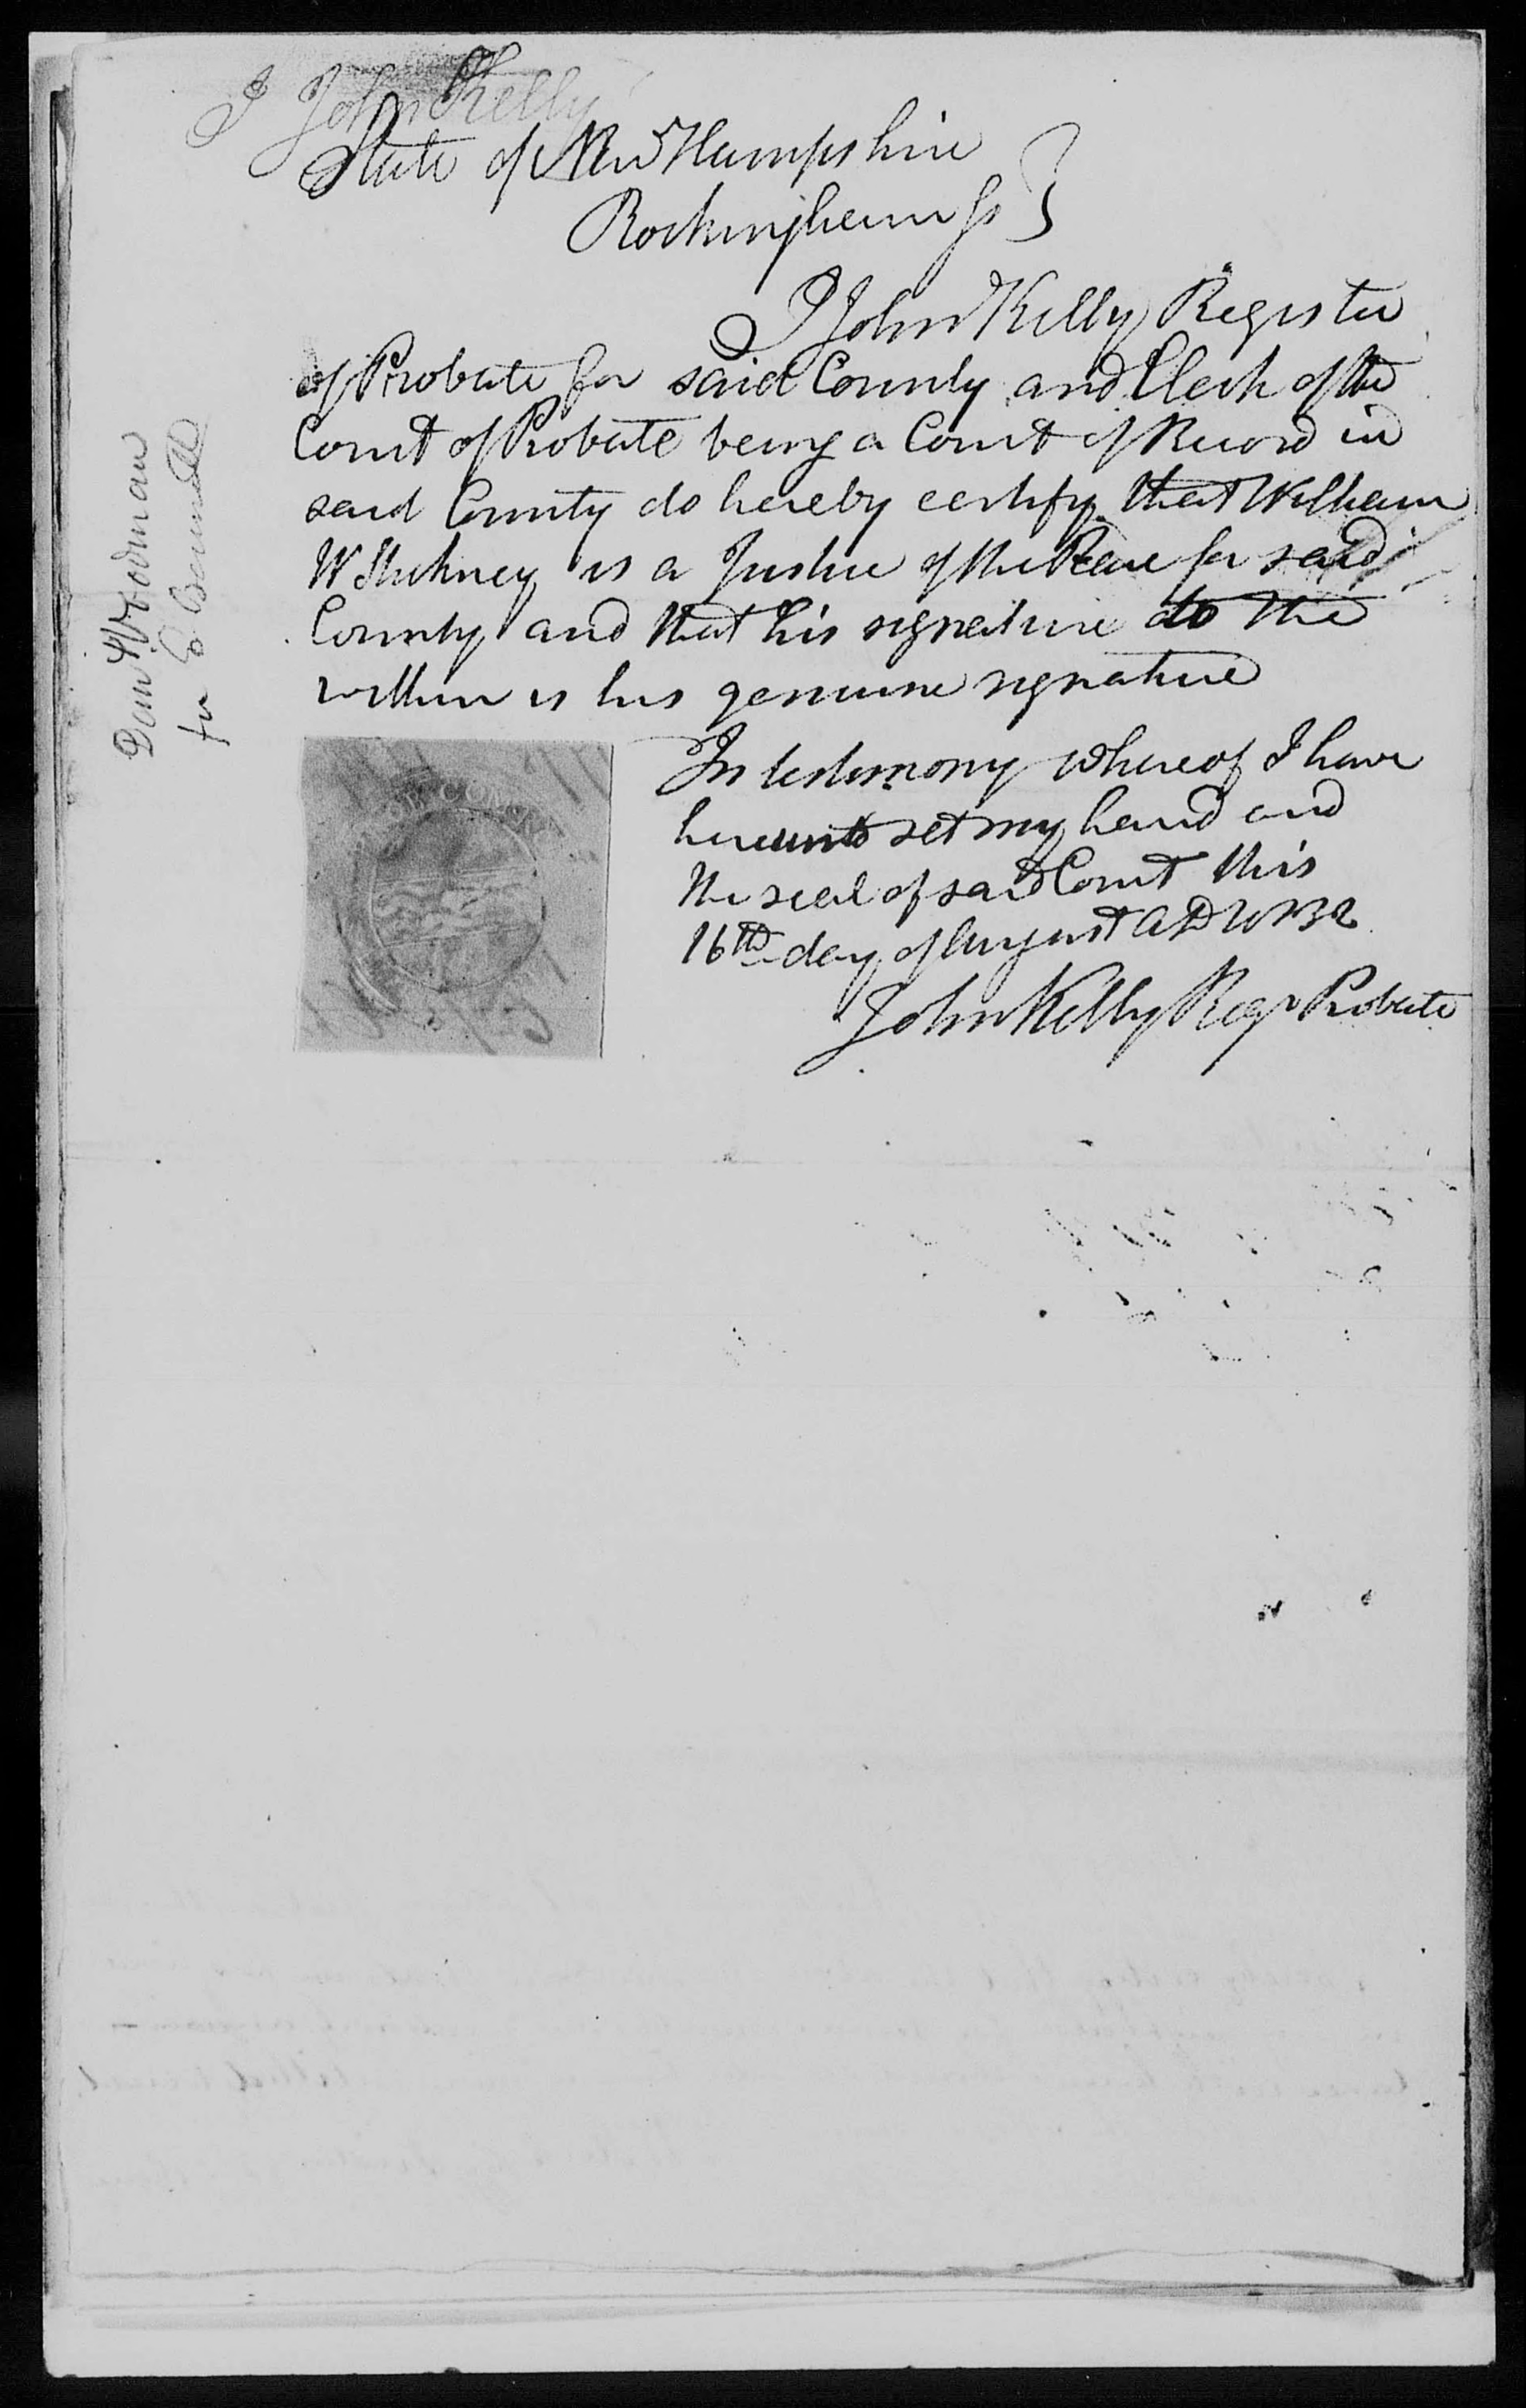[vertical text]
Danl. Woodman
for E Bennett

[horizontal text]
J John Kelly
State of New Hampshire }
Rockingham ss }
I John Kelly Register of Probate for said County and Clerk of the Court of Probate being a Court of Record in and said County do hereby certify that William W Shakney is a Justice of Peace for said County and that his signature to the
within is his genuine signature
In testimony whereof I have hereunto set my hand and the seal of said Court this 16th day of August AD 1832
John Kelly Regr Probate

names: E Bennett, John Kelly, William W Stickney, Dan Woodman, John Kelly, John Kelly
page: 36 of 43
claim: widow's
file: W. 21665, Ebenezer Bennett, N. H. Privateer.